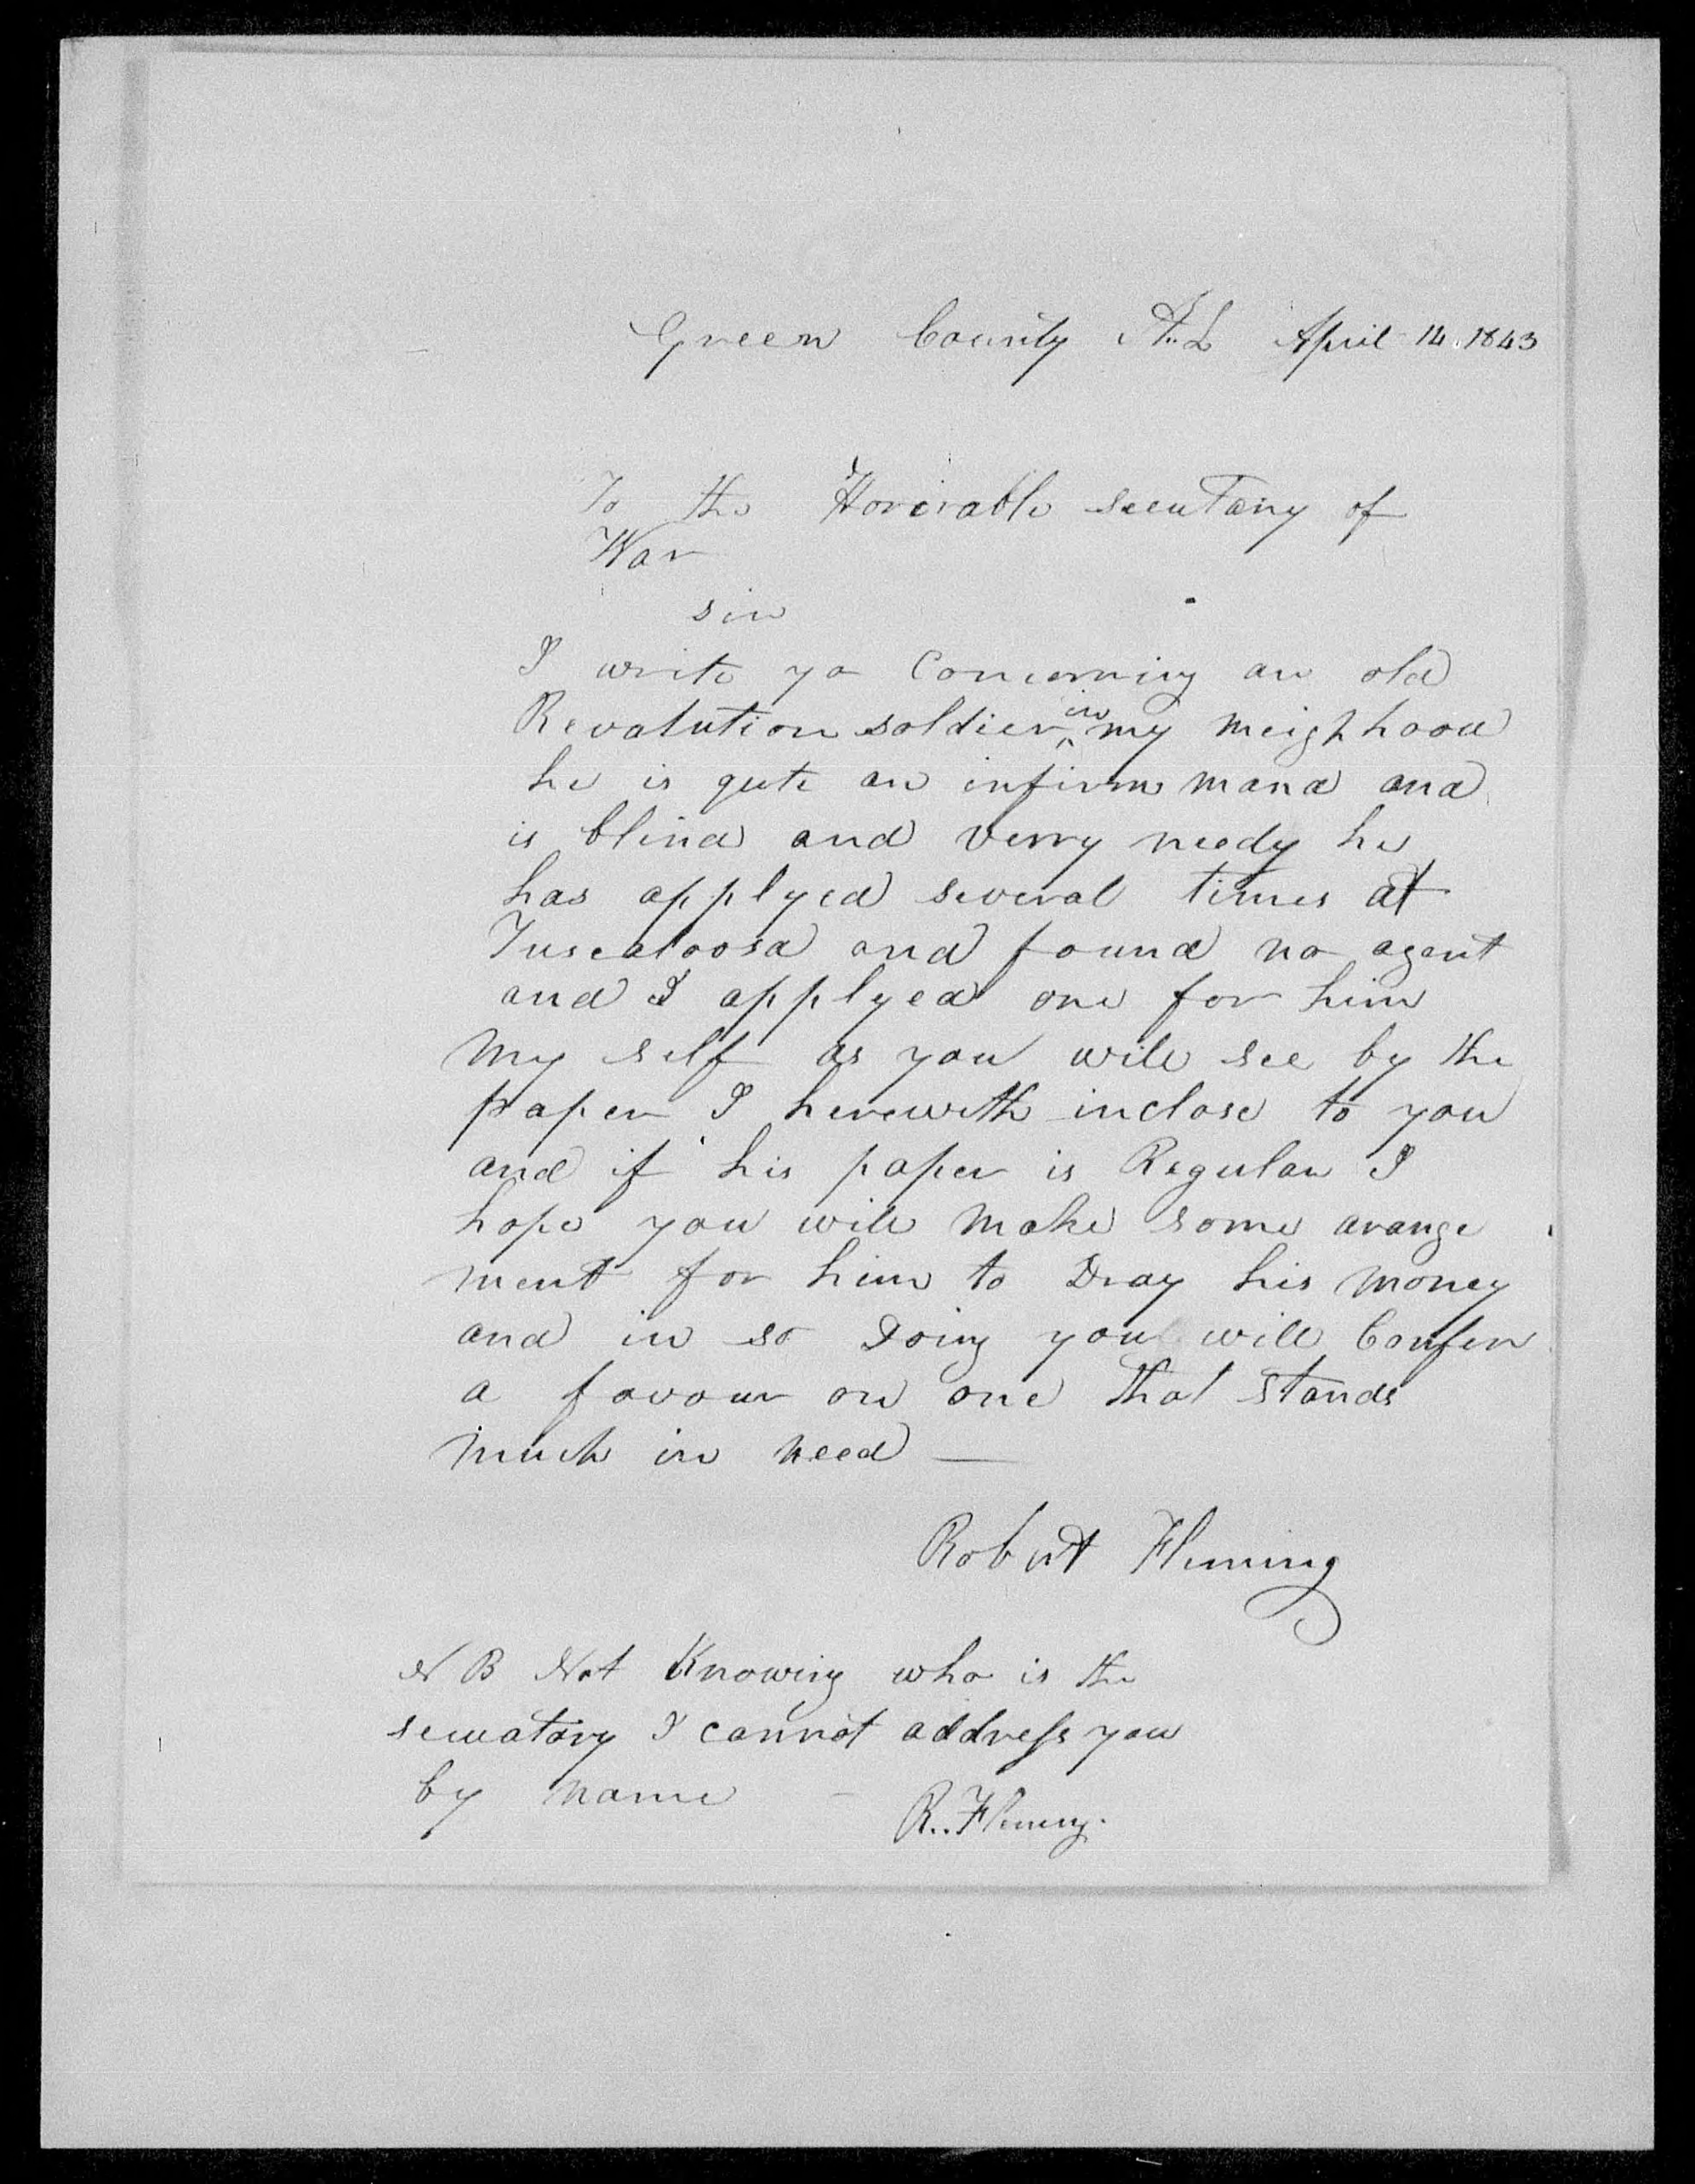Green County A.L. April 14 1843

To the Honorable secretary of War.

Sir

I write no concerning an old Revolution soldier in my neighhood he is quite an infirm man and is blind and very needy he has applyed several times at Tusaloosa and found no agent
and I applyed one for him my self as you will see by the paper I herewith inclose to you
and if his paper is Regular I hope you will make some arangement for him to draw his money and in so doing you will Confer a favour on one that stands much in need-
-
Robert Fleming

N B Not Knowing who is the secretary  I cannot address you by name
R. Flemming.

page: 26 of 45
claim: survivor's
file: S. 13,890, for James Mc Carter, South Carolina